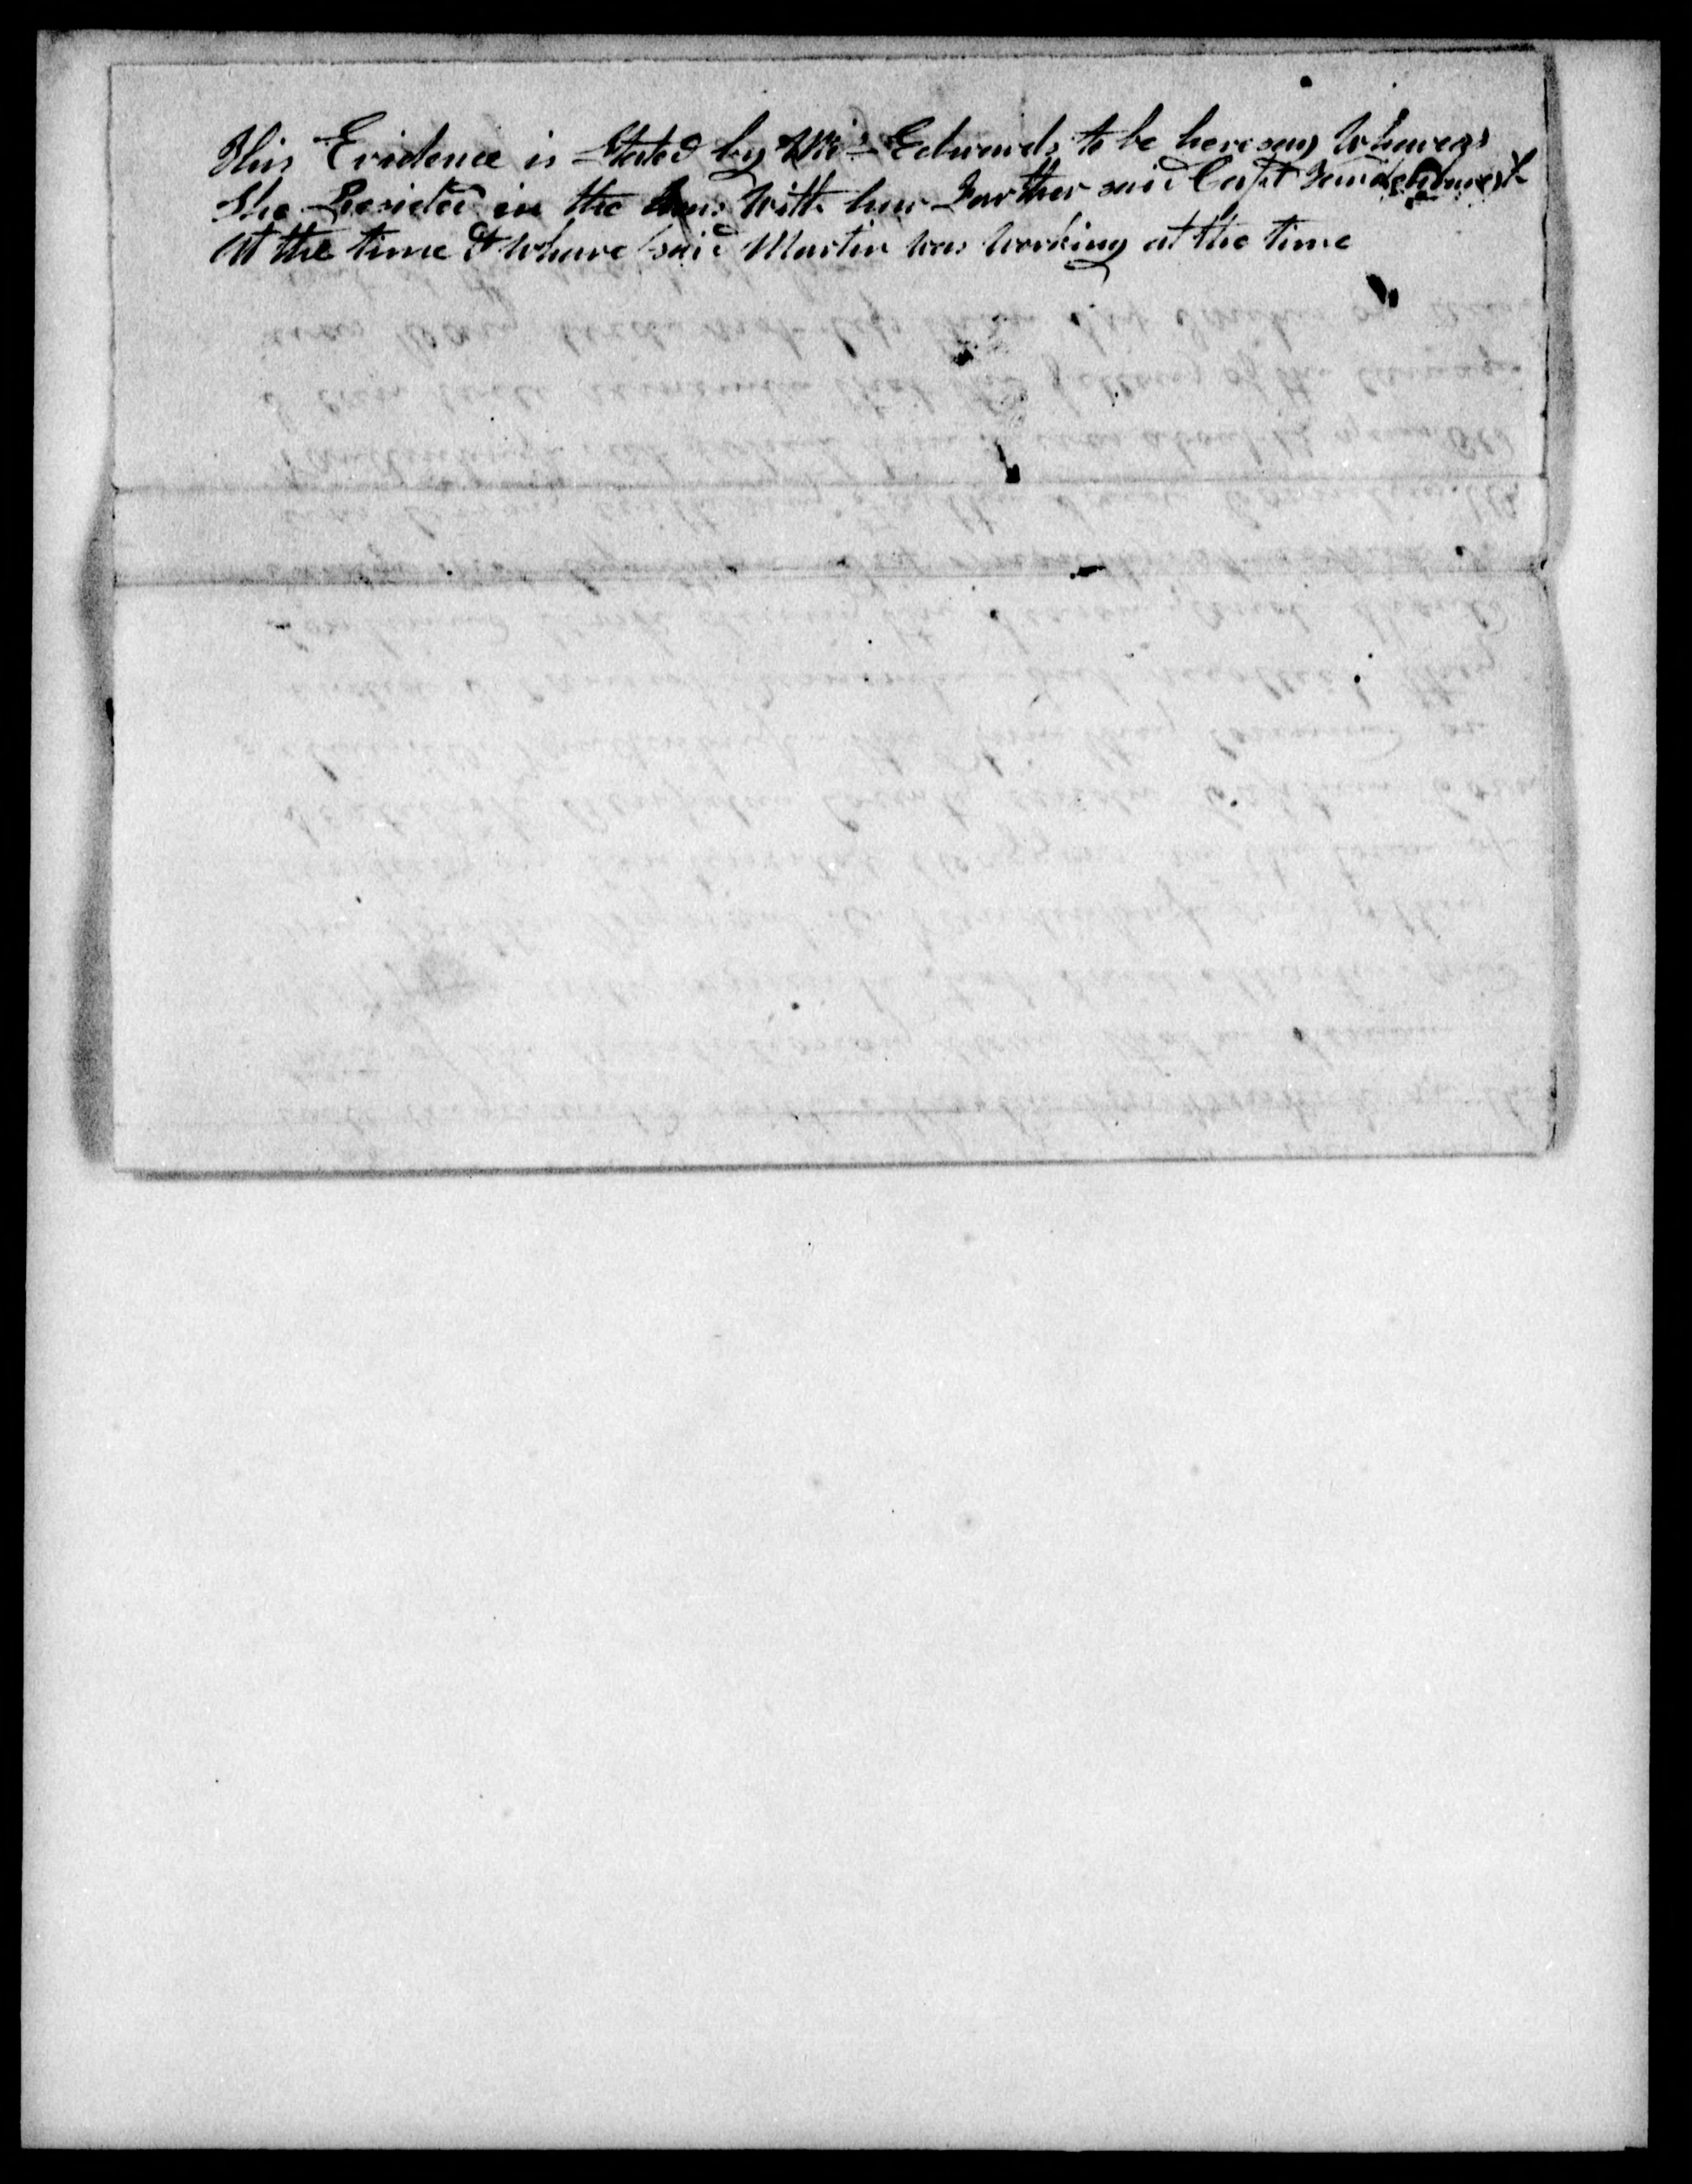This evidence is stated by Wm. Edwards to be heresay [illegible] The [illegible] in the [word is crossed out] with his father said Capt Vandenburgh at the time & where said Martin was working at the time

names: Martin, Edwards, Vandenburgh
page: 55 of 70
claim: rejected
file: R. 10,832, Martin Van Buskirk, New York.